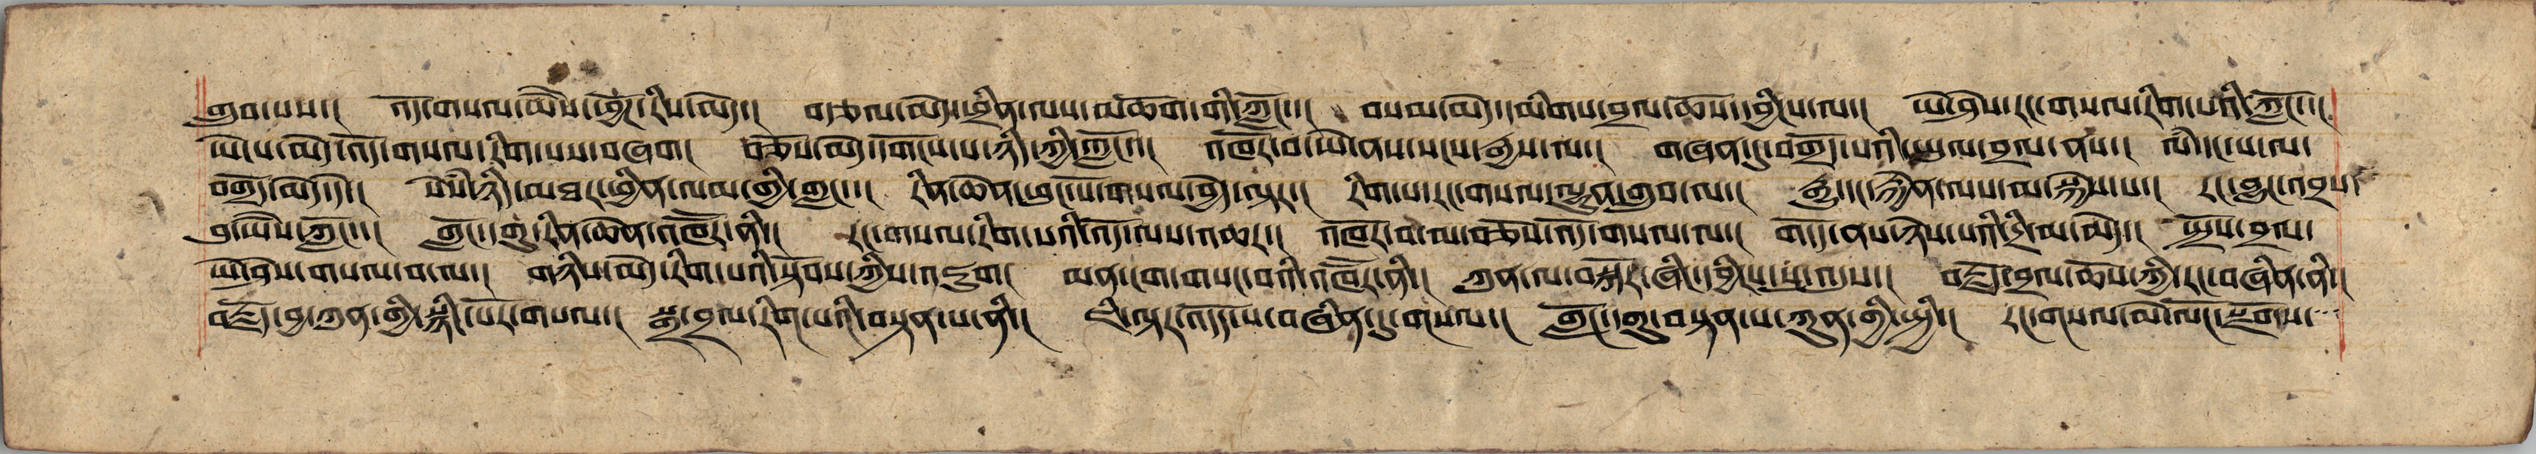གྲུབ་པས་། འདོ་གསལ་ཡཻས་ཕྱོཌ་རིས་མེད་། བརྩལ་མེད་ཕྲིན་ལས་མཆོག་གི་ཀློང་་། བསམ་མེད་དམིགས་བྲལ་ཆོས་དབྱིངས་ལ་། ཡེ་ཤེས་རང་གསལ་རིག་པའི་ཀློང་་།
ཡེངས་མེད་འདོ་གསལ་རིག་པས་བཞག། བཅོས་མེད་དགོངས་པ་ཉིད་ཀྱི་ཀློང་་། འཁོར་བ་ཡེ་ནས་སངས་་རྒྱས་ལ་། གཞན་དུ་བགྲོད་པའི་ཡུལ་བྲལ་ནས་། ལཾ་དང་ས་ལ་
བགྲོད་མེད་དེ་། སེཾས་ཉིད་མཐར་ཕྱིན་ལམ་གྱི་གླང་་། རིན་ཆེན་ཕུང་པོ་གསལ་བྱེད་ལྟར་། རིག་པ་རང་གསལ་ལྷུན་གྲུབ་ལ་། རྒྱུ་དང་རྐྱེན་ལས་མ་སྐྱེས་པ་། རང་བྱུང་འབྲས་
བུ་ཡཻས་ཀློང་་། གློང་དགུ་རིན་ཆེན་འཁཽར་ནི་། རང་གསལ་རིག་པའི་འོད་ལས་འཆར་། འཁོར་བ་མ་བཅོས་འོད་གསལ་ལ་། གདོད་ནས་ཉེས་པའི་དྲི་མ་མེད་། སྤྲོས་བྲལ་
ཡེ་ཤེས་གསལ་བ་ལ་། གཉིས་མེད་རིག་པའི་སྟོབས་ཀྱིས་འཇུག། མན་ངག་གསང་བའི་འཁཽར་ནི་། ཀུན་ལ་བསྐོར་ཞིང་དབྱིངས་སུ་འདུས་། བརྗོད་བྲལ་ཆོས་ཀྱི་རང་བཞིན་ནི་།
བརྗོད་བྱ་ཀུན་གྱི་སྙིང་པོར་གསལ་། སྒྲ་བྲལ་རིག་པའི་བསྟན་པ་ནི་། ཇི་ལྟར་འདོད་པ་བཞིན་དུ་གསལ་། གློང་དགུ་བསྟན་པ་ཀུན་གྱི་སྤྱི་། རང་གསལ་མེ་ལོང་སྫོགས་